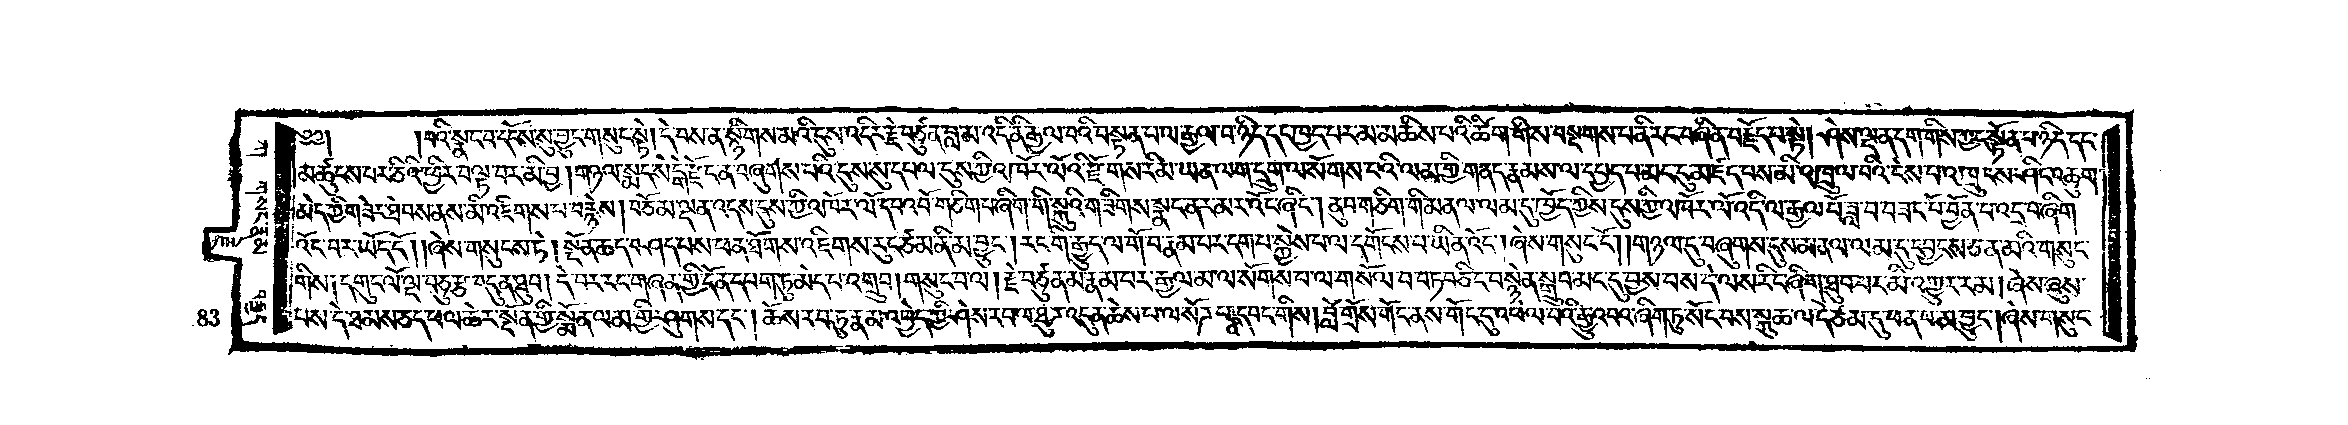༄༅། །བའི་སྣང་བ་དངོས་སུ་བྱུང་གསུང་སྟེ། དེ་བས་ན་སྙིགས་མའི་དུས་འདིར་རྗེ་བཙུན་བླ་མ་འདི་ནི་རྒྱལ་བའི་བསྟན་པ་ལ་རྒྱལ་བ་ཉིད་དང་ཁྱད་པར་མ་མཆིས་པའི་ཚིག་གིས་བསྔགས་པ་ནི་རང་བཞིན་བརྗོད་པ་སྟེ། ཤེས་ལྡན་དག་གིས་ཀྱང་སྟོན་པ་ཉིད་དང་
མཚུངས་པར་ཅིའི་ཕྱིར་བལྟ་བར་མི་བྱ། གཉལ་སྨད་སེངྒེ་རྫོང་ན་བཞུགས་པའི་དུས་སུ་དཔལ་དུས་ཀྱི་འཁོར་ལོའི་རྫོགས་རིམ་ཡན་ལག་དྲུག་ལ་སོགས་པའི་ལམ་གྱི་གནད་རྣམས་ལ་དཔྱད་པ་མང་དུ་མཛད་པས་མི་འཁྲུལ་པའི་ངེས་པ་འཁྲུངས་ཤིང་འཆུག་
མེད་ཀྱི་གཟེར་ཐེབས་ནས་མི་འཇིགས་པ་བརྙེས། བཅོམ་ལྡན་འདས་དུས་ཀྱི་འཁོར་ལོ་དཔའ་བོ་གཅིག་པ་ཞིག་གི་སྐུའི་གཟིགས་སྣང་ནར་མར་འོང་ཞིང་། ནུབ་གཅིག་གི་མནལ་ལམ་དུ་ཁྱོད་ཀྱིས་དུས་ཀྱི་འཁོར་ལོ་འདི་ལ་རྒྱལ་པོ་ཟླ་བ་བཟང་པོ་བྱོན་པ་འདྲ་བ་ཞིག་
འོང་བར་ཡོད་དོ། །ཞེས་གསུངས་ཏེ། སྔོན་ཆད་བཤད་པས་ཕན་ཐོགས་འཇིགས་རུང་ཙམ་ནི་མ་བྱུང་། རང་གི་རྒྱུད་ལ་གོ་བ་རྣམ་པར་དག་པ་སྐྱེས་པ་ལ་དགོངས་པ་ཡིན་འོང་། ཞེས་གསུང་ངོ། །གཉལ་དུ་བཞུགས་དུས་མནལ་ལམ་དུ་དབྱངས་ཅན་མའི་གསུང་
གིས། དགུང་ལོ་ལྔ་བཅུ་རྩ་བདུན་ཐུབ། དེ་བར་རང་གཞན་གྱི་དོན་དཔག་ཏུ་མེད་པ་འགྲུབ། གསུང་བ་ལ། རྗེ་བཙུན་མ་རྣམ་པར་རྒྱལ་མ་ལ་སོགས་པ་ལ་གསོལ་བ་བཏབ་ཅིང་བསྙེན་སྒྲུབ་མང་དུ་བྱས་པས་དེ་ལས་རིང་ཞིག་ཐུབ་པར་མི་འགྱུར་རམ། ཞེས་ཞུས་
པས་དེ་ཐམས་ཅད་ཕལ་ཆེར་སྔོན་གྱི་སྨོན་ལམ་གྱི་ཤུགས་དང་། ཆོས་རབ་ཏུ་རྣམ་འཕྱེད་ཀྱི་ཤེས་རབ་ལ་ཐུགས་འདུན་ཆེས་པ་ལ་སོགས་པའི་དབང་གིས། བློ་གྲོས་གོང་ནས་གོང་དུ་འཕེལ་བའི་རྒྱུ་འབའ་ཞིག་ཏུ་སོང་བས་སྐུ་ཆ་ལ་དེ་ཙམ་དུ་ཕན་པ་མ་བྱུང་། ཞེས་གསུང་